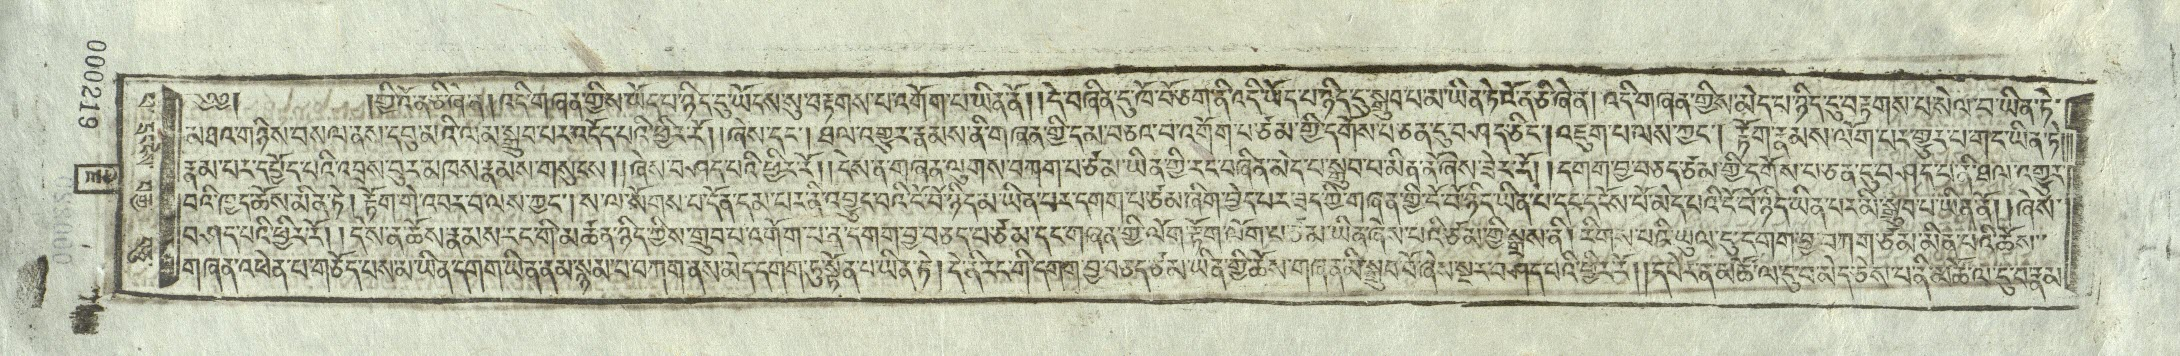༄༅། །གྱི་འོ་ན་ཅི་ཞེ་ན། འདི་གཞན་གྱིས་ཡོད་པ་ཉིད་དུ་ཡོངས་སུ་བརྟགས་པ་འགོག་པ་ཡིན་ནོ། །དེ་བཞིན་དུ་ཁོ་བོ་ཅག་ནི་འདི་ཡོད་པ་ཉིད་དུ་སྒྲུབ་པ་མ་ཡིན་ཏེ་འོ་ན་ཅི་ཞེ་ན། འདི་གཞན་གྱིས་མེད་པ་ཉིད་དུ་བརྟགས་པ་སེལ་བ་ཡིན་ཏེ་
མཐའ་གཉིས་བསལ་ནས་དབུ་མའི་ལམ་སྒྲུབ་པར་འདོད་པའི་ཕྱིར་རོ། །ཞེས་དང་། ཐལ་འགྱུར་རྣམས་ནི་གཞན་གྱི་དམ་བཅའ་བ་འགོག་པ་ཙམ་གྱི་དགོས་པ་ཅན་དུ་བཤད་ཅིང་། འཇུག་པ་ལས་ཀྱང་། རྟོག་རྣམས་ལོག་པར་གྱུར་པ་གང་ཡིན་ཏེ།
རྣམ་པར་དཔྱོད་པའི་འབྲས་བུར་མཁས་རྣམས་གསུངས། །ཞེས་བཤད་པའི་ཕྱིར་རོ། །དེས་ན་གཞན་ལུགས་བཀག་པ་ཙམ་ཡིན་གྱི་རང་བཞིན་མེད་པ་སྒྲུབ་པ་མིན་ནོ་ཞེས་ཟེར་རོ། །དགག་བྱ་བཅད་ཙམ་གྱི་དགོས་པ་ཅན་དུ་བཤད་པ་ནི་ཐལ་འགྱུར་
བའི་ཁྱད་ཆོས་མིན་ཏེ། རྟོག་གེ་འབར་བ་ལས་ཀྱང་། ས་ལ་སོགས་པ་དོན་དམ་པར་ན་འབྱུང་བའི་ངོ་བོ་ཉིད་མ་ཡིན་པར་དགག་པ་ཙམ་ཞིག་བྱེད་པར་ཟད་ཀྱི་གཞན་གྱི་ངོ་བོ་ཉིད་ཡིན་པ་དང་དངོས་པོ་མེད་པའི་ངོ་བོ་ཉིད་ཡིན་པར་མི་སྒྲུབ་པ་ཡིན་ནོ། །ཞེས་
བཤད་པའི་ཕྱིར་རོ། །དེས་ན་ཆོས་རྣམས་རང་གི་མཚན་ཉིད་ཀྱིས་གྲུབ་པ་འགོག་པ་ན་དགག་བྱ་བཅད་པ་ཙམ་དང་གཞན་གྱི་ལོག་རྟོག་ལོག་པ་ཙམ་ཡིན་ཞེས་པའི་ཙམ་གྱི་སྒྲས་ནི། རིགས་པའི་ཡུལ་དུ་དགག་བྱ་བཀག་ཙམ་མིན་པའི་ཆོས་
གཞན་འཕེན་པ་གཅོད་པས་མ་ཡིན་དགག་ཡིན་ནམ་སྙམ་པ་བཀག་ནས་མེད་དགག་ཏུ་སྟོན་པ་ཡིན་ཏེ། དེ་ནི་རང་གི་དགག་བྱ་བཅད་ཙམ་ཡིན་གྱི་ཆོས་གཞན་མི་སྒྲུབ་བོ་ཞེས་སྔར་བཤད་པའི་ཕྱིར་རོ། །དཔེར་ན་མཚོ་ལ་དུ་བ་མེད་ཅེས་པ་ནི་མཚོ་ལ་དུ་བ་རྣམ་